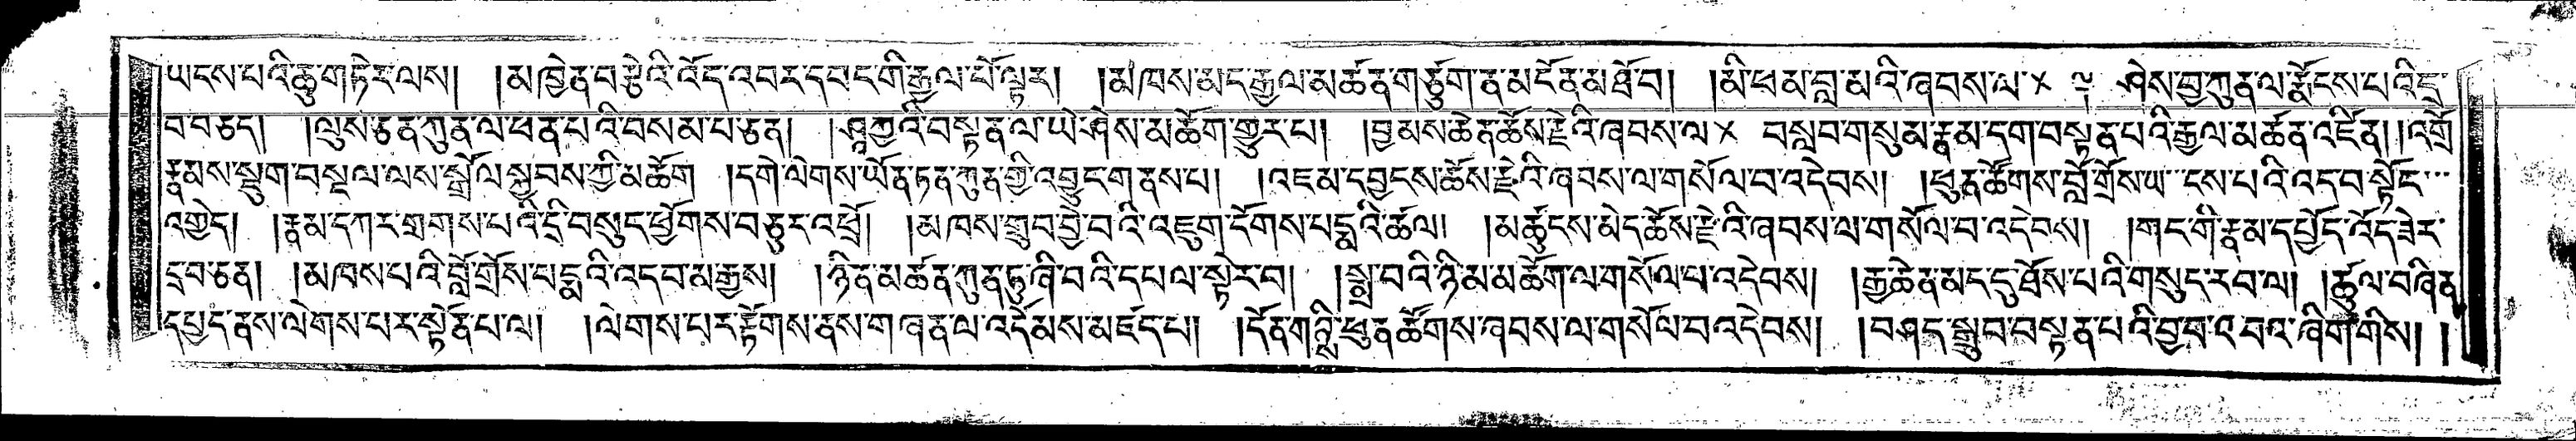ཡངས་པའི་ཆུ་གཏེར་ལས། །མཁྱེན་བརྩེའི་འོད་འབར་དབང་གི་རྒྱལ་པོ་ལྟར། །མཁས་མང་རྒྱལ་མཚན་གཙུག་ན་མངོན་མཐོ་བ། །མི་ཕམ་བླ་མའི་ཞབས་ལ་{྾}་༈ ཤེས་བྱ་ཀུན་ལ་རྨོངས་པའི་དྲ་
བ་བཅད། །ལུས་ཅན་ཀུན་ལ་ཕན་པའི་བསམ་པ་ཅན། །ཤཱཀྱའི་བསྟན་ལ་ཡེ་ཤེས་མཆོག་གྱུར་པ། །བྱམས་ཆེན་ཆོས་རྗེའི་ཞབས་ལ་{྾}་བསླབ་གསུམ་རྣམ་དག་བསྟན་པའི་རྒྱལ་མཚན་འཛིན། །འགྲོ་
རྣམས་སྡུག་བསྔལ་ལས་སྒྲོལ་སྐྱབས་ཀྱི་མཆོག །དགེ་ལེགས་ཡོན་ཏན་ཀུན་གྱི་འབྱུང་གནས་པ། །འཇམ་དབྱངས་ཆོས་རྗེའི་ཞབས་ལ་གསོལ་བ་འདེབས། །ཕུན་ཚོགས་བློ་གྲོས་ཡང་པའི་འདབ་སྟོང་
འགྱེད། །རྣམ་དཀར་གྲགས་པའི་དྲི་བསུང་ཕྱོགས་བཅུར་འཕྲོ། །མཁས་གྲུབ་བྱེ་བའི་འཇུག་དོགས་པདམའི་ཚལ། །མཚུངས་མེད་ཆོས་རྗེའི་ཞབས་ལ་གསོལ་བ་འདེབས། །གང་གི་རྣམ་དཔྱོད་འོད་ཟེར་
དྲ་བ་ཅན། །མཁས་པའི་བློ་གྲོས་པདམའི་འདབ་མ་རྒྱས། །ཉིན་མཚན་ཀུན་ཏུ་ཞི་བའི་དཔལ་སྟེར་བ། །སྨྲ་བའི་ཉི་མ་མཆོག་ལ་གསོལ་བ་འདེབས། །རྒྱ་ཆེན་མང་དུ་ཐོས་པའི་གསུང་རབ་ལ། །ཚུལ་བཞིན་
དཔྱད་ནས་ལེགས་པར་སྟོན་པ་ལ། །ལེགས་པར་རྟོགས་ནས་གཞན་ལ་འདོམས་མཛད་པ། །དོན་གཉིས་ཕུན་ཚོགས་ཞབས་ལ་གསོལ་བ་འདེབས། །བཤད་སྒྲུབ་བསྟན་པའི་བྱ་བ་འབའ་ཞིག་གིས། །